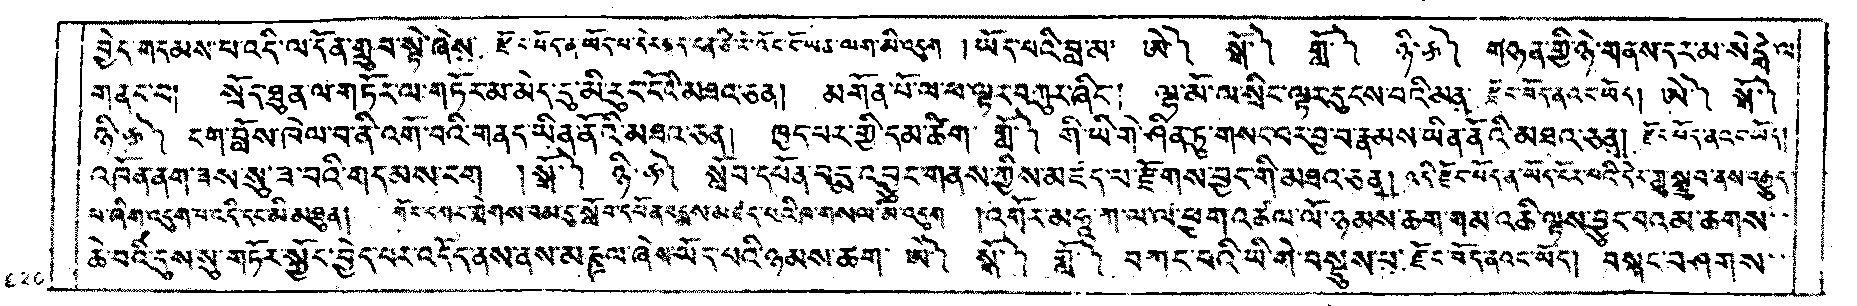བྱེད་གདམས་པ་འདི་ལ་དོན་གྲུབ་སྟེ་ཞེས་རྫོང་པོད་ན་ཡོད་པ་དེར་སྐད་ངན་ཙི་རེ་འོང་ངོ་ཡན་ལག་མི་འདུག་།ཡོད་པའི་བླ་མ་ཨ྄ེ་སྒ྄ོ་གླ྄ོ་ཉི~྾?་གཉན་གྱི་ཉེ་གནས་དར་མ་སེངྒེ་ལ་
གནང་བ། སྲོད་ཐུན་ལ་གཏོར་ལ་གཏོར་མ་མེད་དུ་མི་རུང་ངོའི་མཐའ་ཅན། མགོན་པོ་ལ་ཕ་ལྟར་བཀུར་ཞིང་། ལྷ་མོ་ལ་སྲིང་ལྟར་དུངས་པའི་མན་རྫོང་པོད་ནའང་ཡོད།  ཨ྄ེ་སྒ྄ོ
ཉི~྾?་ངག་བློས་ཁེལ་བ་ནི་འགོ་བའི་གནད་ཡིན་ནོའི་མཐའ་ཅན། ཁྱད་པར་གྱི་དམ་ཚིག་གླ྄ོ་གི་ཡི་གེ་ཤིན་ཏུ་གསང་བར་བྱ་བ་རྣམས་ཡིན་ནོའི་མཐའ་ཅན། རྫོང་པོད་ནའང་ཡོད།
འཁོན་ནག་ཟས་སུ་ཟ་བའི་གདམས་ངག །སྒ྄ོ་ཉི~྾?་སློབ་དཔོན་པདམ་འབྱུང་གནས་ཀྱིས་མཛད་པ་རྫོགས་བྱང་གི་མཐའ་ཅན། འདི་རྫོང་པོད་ན་ཡོད་ངོར་པའི་དེར་ཀླུ་སྒྲུབ་ནས་བརྒྱུད་
པ་ཞིག་འདུག་པ་འདི་དང་མི་མཐུན། གོང་དཀར་གླེགས་བམ་དུ་སློབ་དཔོན་པདམས་མཛད་པའི་ཁ་གསལ་མི་འདུག །འགོར་མཧཱ་ཀ་ལ་ལ་ཕྱག་འཚལ་ལོ་ཉམས་ཆག་གམ་འཆི་ལྟས་བྱུང་བའམ་ཆགས་
ཆེ་བའི་དུས་སུ་གཏོར་སྐྱོང་བྱེད་པར་འདོད་ནས་ནས་མཎྜལ་ཞེས་ཡོད་པའི་ཉམས་ཆག་ཨ྄ེ་སྒ྄ོ་གླ྄ོ་བཀང་བའི་ཡི་གེ་བསྡུས་པ་རྫོང་པོད་ནའང་ཡོད།  བསྐང་བཤགས་